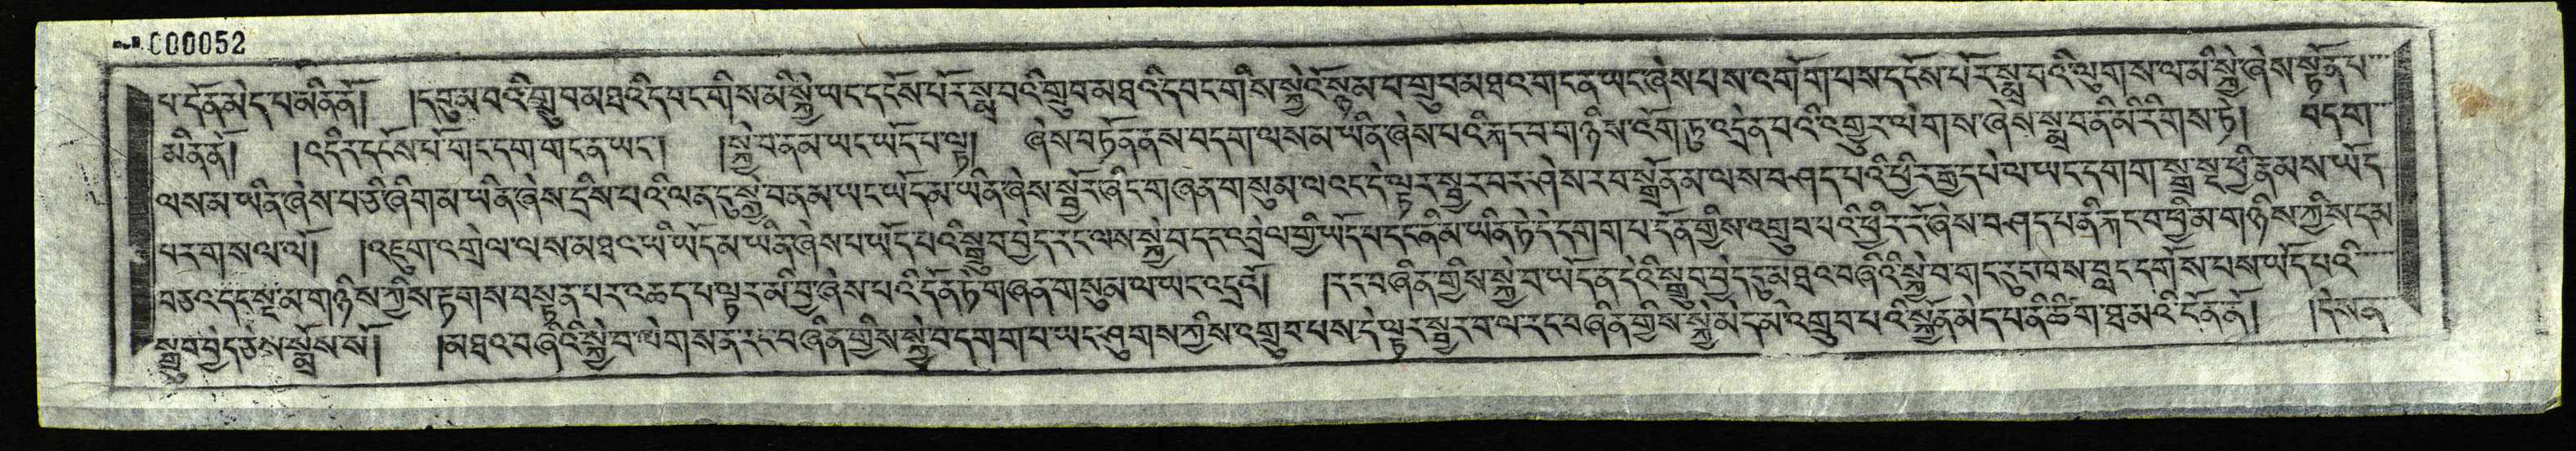པ་དོན་མེད་པ་མིན་ནོ། །དབུ་མ་བའི་གྲུབ་མཐའི་དབང་གིས་མི་སྐྱེ་ཡང་དངོས་པོར་སྨྲ་བའི་གྲུབ་མཐའི་དབང་གིས་སྐྱེའོ་སྙམ་པ་གྲུབ་མཐའ་གང་ན་ཡང་ཞེས་པས་འགོག་པས་དངོས་པོར་སྨྲ་བའི་ལུགས་ལ་མི་སྐྱེ་ཞེས་སྟོན་པ་
མིན་ནོ། །འདིར་དངོས་པོ་གང་དག་གང་ན་ཡང་། །སྐྱེ་བ་ནམ་ཡང་ཡོད་པ་ལྟ། ཞེས་བཏོན་ནས་བདག་ལས་མ་ཡིན་ཞེས་པའི་རྐང་པ་གཉིས་འོག་ཏུ་འདྲེན་པའི་འགྱུར་ལེགས་ཞེས་སྨྲ་བ་ནི་མི་རིགས་ཏེ། བདག་
ལས་མ་ཡིན་ཞེས་པ་ཅི་ཞིག་མ་ཡིན་ཞེས་དྲིས་པའི་ལན་དུ་སྐྱེ་བ་ནམ་ཡང་ཡོད་མ་ཡིན་ཞེས་སྦྱོར་ཞིང་གཞན་གསུམ་ལའང་དེ་ལྟར་སྦྱར་བར་ཤེས་རབ་སྒྲོན་མ་ལས་བཤད་པའི་ཕྱིར་རྒྱ་དཔེ་ལ་ཡང་དགག་སྒྲ་སྔ་ཕྱི་རྣམས་ཡོད་
པར་གསལ་ལོ། །འཇུག་འགྲེལ་ལས་མཐའ་ཡི་ཡོད་མ་ཡིན་ཞེས་པ་ཡོད་པའི་སྒྲུབ་བྱེད་རང་ལས་སྐྱེ་བ་དང་འབྲེལ་གྱི་ཡོད་པ་དང་ནི་མ་ཡིན་ཏེ་དེ་དགག་པ་དོན་གྱིས་འགྲུབ་པའི་ཕྱིར་རོ་ཞེས་བཤད་པ་ནི་རྐང་པ་ཕྱི་མ་གཉིས་ཀྱིས་དམ་
བཅའ་དང་སྔ་མ་གཉིས་ཀྱིས་རྟགས་བསྟན་པར་འཆད་པ་ལྟར་མི་བྱ་ཞེས་པའི་དོན་ཏེ་གཞན་གསུམ་ལ་ཡང་འདྲའོ། །རང་བཞིན་གྱིས་སྐྱེ་བ་ཡོད་ན་དེའི་སྒྲུབ་བྱེད་དུ་མཐའ་བཞིའི་སྐྱེ་བ་གང་རུང་ཁས་བླང་དགོས་པས་ཡོད་པའི་
སྒྲུབ་བྱེད་ཅེས་སྨྲོས་སོ། །མཐའ་བཞིའི་སྐྱེ་བ་ལེགས་ན་རང་བཞིན་གྱིས་སྐྱེ་བ་དགག་པ་ཡང་ཤུགས་ཀྱིས་འགྲུབ་པས་དེ་ལྟར་སྦྱར་བ་ལ་རང་བཞིན་གྱིས་སྐྱེ་མེད་མི་འགྲུབ་པའི་སྐྱོན་མེད་པ་ནི་ཚིག་ཐ་མའི་དོན་ནོ། །དེས་ན་